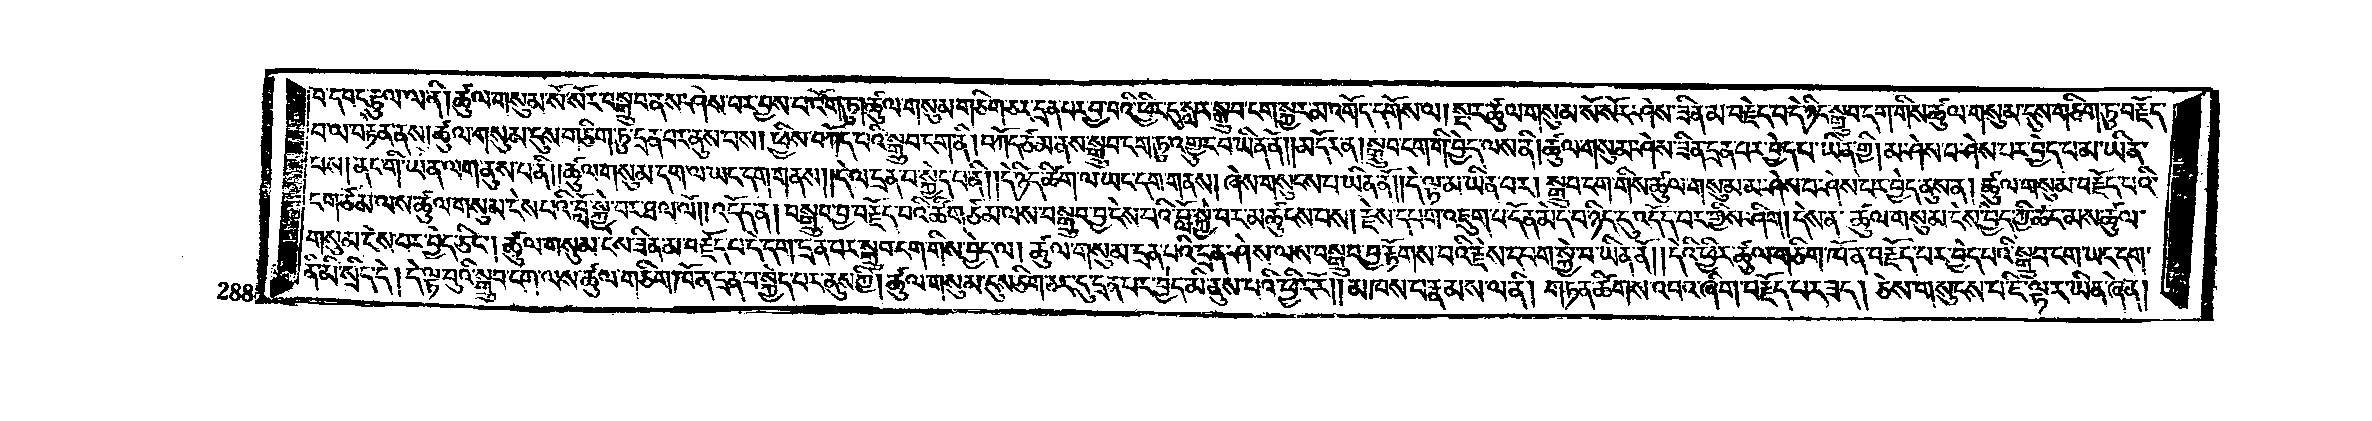བ་དབང་རྟུལ་ལ་ནི། ཚུལ་གསུམ་སོ་སོར་བསྒྲུབ་ནས་ཤེས་པར་བྱས་པ་འོག་ཏུ། ཚུལ་གསུམ་གཅིག་ཅར་དྲན་པར་བྱ་བའི་ཕྱིར་དུ་སླར་སྒྲུབ་ངག་སྐྱར་མ་འགོད་དགོས་ལ། སྔར་ཚུལ་གསུམ་སོ་སོར་ཤེས་ཟིན་མ་བརྗེད་པ་དེ་ཉིད་སྒྲུབ་དག་གིས་ཚུལ་གསུམ་དུས་གཅིག་ཏུ་བརྗོད་
པ་ལ་བརྟན་ནས། ཚུལ་གསུམ་དུས་གཅིག་ཏུ་དྲན་པར་ནུས་པས། ཕྱིས་བཀོད་པའི་སྒྲུབ་ངག་ནི། བཀོད་ཙམ་ནས་སྒྲུབ་ངག་ཏུ་འགྱུར་བ་ཡིན་ནོ། །མདོར་ན། སྒྲུབ་ངག་གི་བྱེད་ལས་ནི། ཚུལ་གསུམ་ཤེས་ཟིན་དྲན་པར་བྱེད་པ་ཡིན་གྱི། མ་ཤེས་པ་ཤེས་པར་བྱེད་པ་མ་ཡིན་
པས། ནང་གི་ཡན་ལག་ནུས་པ་ནི། །ཚུལ་གསུམ་དག་ལ་ཡང་དག་གནས། །དེ་ལ་དྲན་པ་སྐྱེད་པ་ནི། །དེ་ཉིད་ཚིག་ལ་ཡང་དག་གནས། ཞེས་གསུངས་པ་ཡིན་ནོ། །དེ་ལྟ་མ་ཡིན་པར། སྒྲུབ་ངག་གིས་ཚུལ་གསུམ་མ་ཤེས་པ་ཤེས་པར་བྱེད་ནུས་ན། ཚུལ་གསུམ་བརྗོད་པའི་
ངག་ཙམ་ལས་ཚུལ་གསུམ་ངེས་པའི་བློ་སྐྱེ་བར་ཐལ་ལོ། །འདོད་ན། བསྒྲུབ་བྱ་བརྗོད་པའི་ཚིག་ཙམ་ལས་བསྒྲུབ་བྱ་ངེས་པའི་བློ་སྐྱེ་བར་མཚུངས་པས། རྗེས་དཔག་འཇུག་པ་དོན་མེད་པ་ཉིད་དུ་འདོད་པར་གྱིས་ཤིག། དེས་ན་ཚུལ་གསུམ་ངེས་བྱེད་ཀྱི་ཚད་?་མས་ཚུལ་
གསུམ་ངེས་པར་བྱེད་ཅིང་། ཚུལ་གསུམ་ངེས་ཟིན་མ་བརྗེད་པ་དེ་དག་དྲན་པར་སྒྲུབ་ངག་གིས་བྱེད་ལ། ཚུལ་གསུམ་དྲན་པའི་དྲན་ཤེས་ལས་བསྒྲུབ་བྱ་རྟོགས་པའི་རྗེས་དཔག་སྐྱེ་བ་ཡིན་ནོ། །དེའི་ཕྱིར་ཚུལ་གཅིག་ཁོ་ན་བརྗོད་པར་བྱེད་པའི་སྒྲུབ་ངག་ཡང་དག་
ནི་མི་སྲིད་དེ། དེ་ལྟ་བུའི་སྒྲུབ་ངག་ལས་ཚུལ་གཅིག་ཁོ་ན་དྲན་པ་སྐྱེད་པར་ནུས་ཀྱི། ཚུལ་གསུམ་དུས་ཅིག་ཅར་དུ་དྲན་པར་བྱེད་མི་ནུས་པའི་ཕྱིར་རོ། །མཁས་པ་རྣམས་ལ་ནི། གཏན་ཚིགས་འབའ་ཞིག་བརྗོད་པར་ཟད། ཅེས་གསུངས་པ་ཇི་ལྟར་ཡིན་ཞེ་ན།